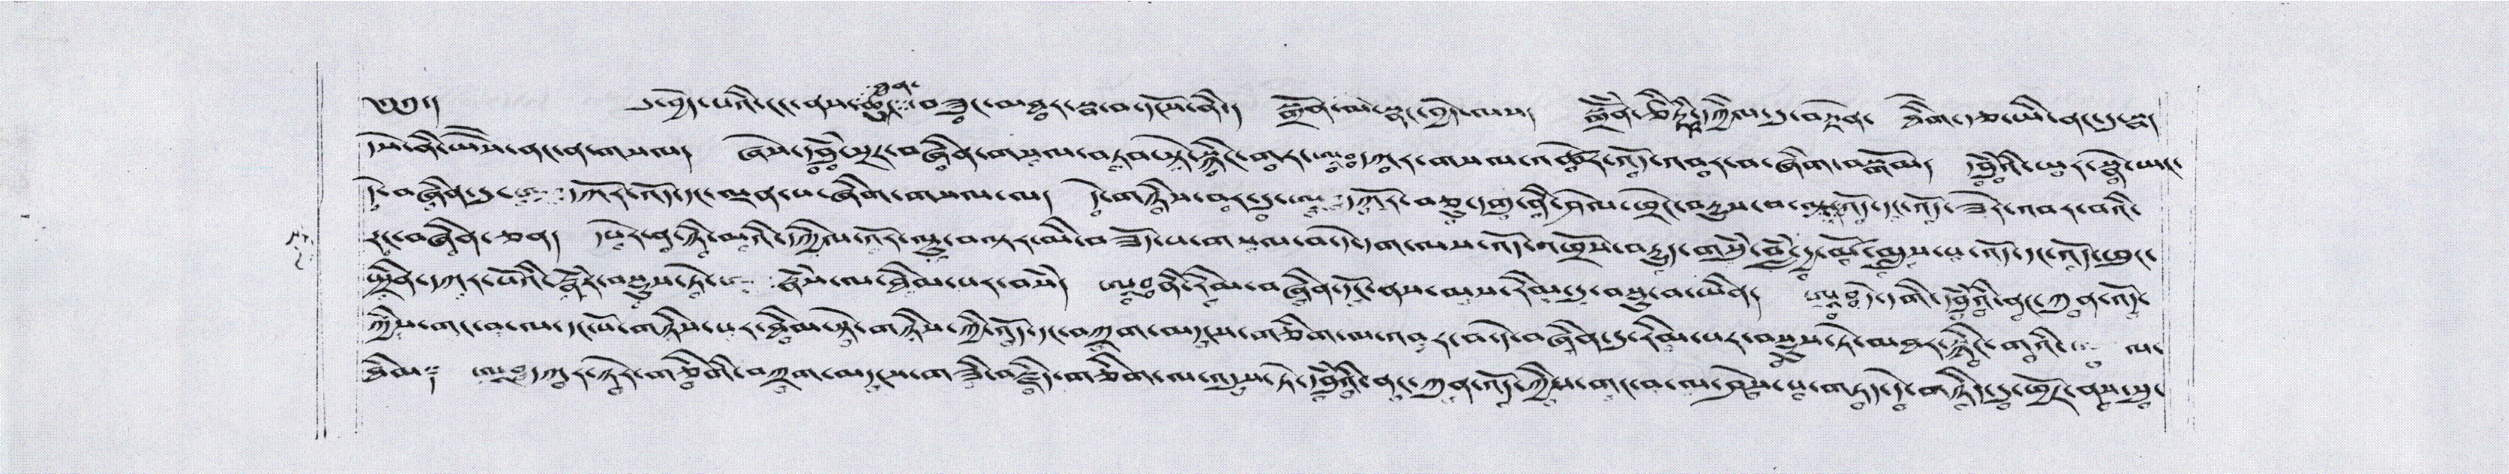དུ་བྱེད་པའི་ངང་ནས་ཐུན་ཆུང་བཟུང་མཐར་སྦ་བ་དངོས་ནི། སྒྲོན་མེ་སྣང་བྱེད་ལས། སྒྲོན་མ་ཙིརྟའི་དཀྱིལ་དུ་བརྟེན། ཐིག་ལེ་རྩ་ཡི་ནང་དུ་སྦ། 
དེས་ནི་ཡེ་ཤེས་ནང་ན་གསལ། ཞེས་དབུ་མ་སྔར་བཞིན་གསལ་བཏབ་སྟེ་སྙིང་གར་ཨ་དཀར་གསལ་འཚེར་འོད་འབར་བ་ཞིག་བསྒོམ། དབུ་མའི་ཡར་སྣེ་ཡང་
དེ་བཞིན་དུ་ཨཱཿདཀར་པོ་འོད་དང་ལྡན་པ་ཞིག་གསལ་ལ། དེ་གཉིས་བར་དུ་ཨཱཿདཀར་པོ་བཅུ་དགུ་ནི་ཤེལ་ཕྲེང་བརྒྱུས་པ་ལྟར་འོད་དང་འོད་ཟེར་འབར་བའི་
རང་བཞིན་ཅན། དཔེར་ན་ཉི་མའི་དཀྱིལ་འཁོར་ལྟ་བུ་བལྟར་མི་བཟོད་པ་གསལ་བ་དེ་དག་ལས་འོད་འཕྲོས་བརྒྱུད་གསུམ་བླ་མ་རྒྱ་མཚོ་མ་ལུས་པ་འོད་དང་འོད་ཕུང་
སྤྲིན་དཀར་པོའི་རྣམ་པར་བསྡུས་ཏེ་ཨཱཿརྣམས་ལ་ཐིམ་པར་བསམ། ཨཱཿནི་རིམ་བཞིན་དང་པོ་ནས་མས་རིམ་དུ་བསྡུ་བ་ཡིན། ཨཱཿདེ་དག་གི་དབུ་མའི་ནང་ཀུན་འོད་
ཀྱིས་གང་བ་ལ་དང་པོ་གཉིས་པར་ཐིམ་སྟེ་གཉིས་ཀྱི་བཀྲག་མདངས་གཅིག་ལ་འབར་བ་དེ་བཞིན་དུ་རིམ་པར་བསྡུས་ཏེ་མཐར་སྙིང་གའི་ཨཱཿལ་
ཐིམ། ཨཱཿདཀར་ཉེར་གཅིག་གི་བཀྲག་མདངས་གཟི་བརྗིད་གཅིག་ལ་འདུས་ཏེ་དབུ་མའི་ནང་ཀུན་འོད་ཀྱིས་གང་བ་ལ་ཤེས་པ་གཏད་དེ་གཉིད་དུ་ཕྱོགས་ནས་སུ་